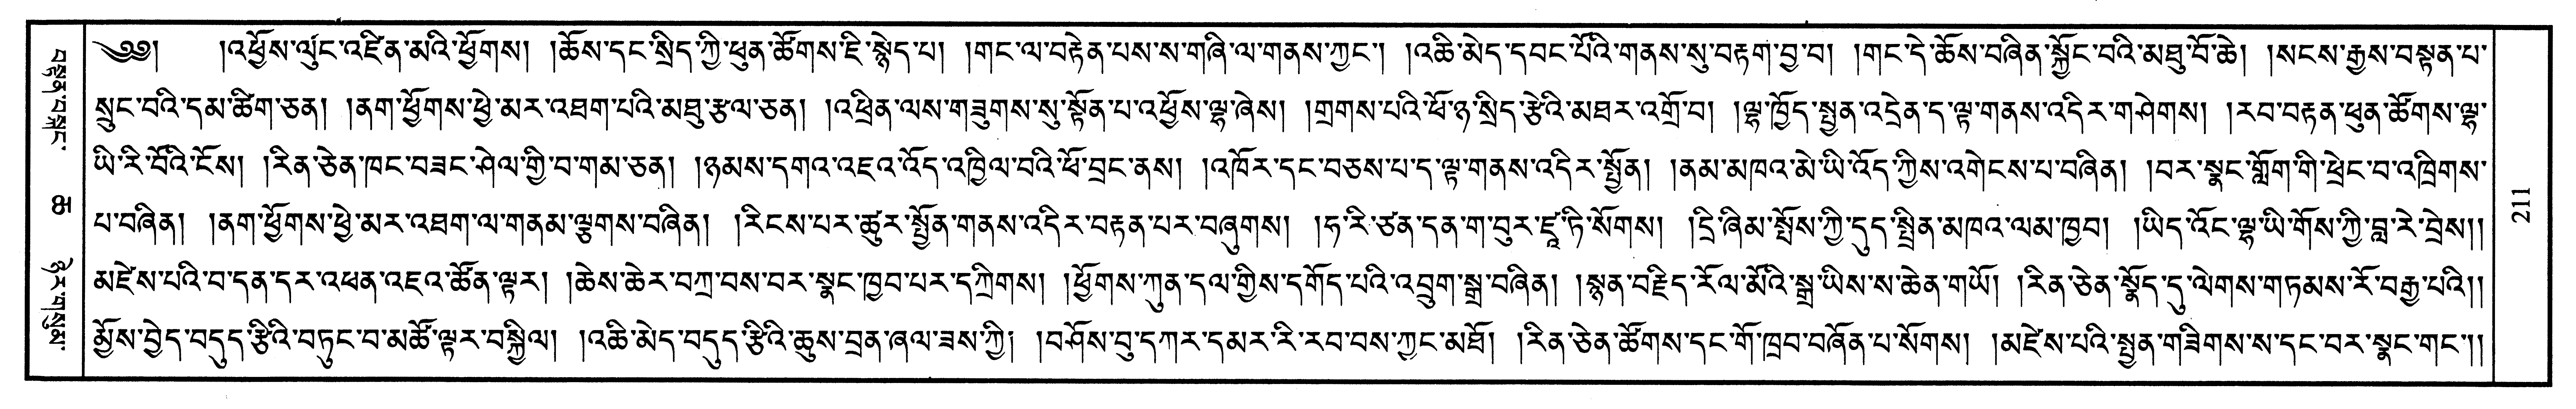༄༅། །འཕྱོས་ལུང་འཛིན་མའི་ཕྱོགས། །ཆོས་དང་སྲིད་ཀྱི་ཕུན་ཚོགས་ཇི་སྙེད་པ། །གང་ལ་བརྟེན་པས་ས་གཞི་ལ་གནས་ཀྱང་། །འཆི་མེད་དབང་པོའི་གནས་སུ་བརྟག་བྱ་བ། །གང་དེ་ཆོས་བཞིན་སྐྱོང་བའི་མཐུ་བོ་ཆེ། །སངས་རྒྱས་བསྟན་པ་
སྲུང་བའི་དམ་ཚིག་ཅན། །ནག་ཕྱོགས་ཕྱེ་མར་འཐག་པའི་མཐུ་རྩལ་ཅན། །འཕྲིན་ལས་གཟུགས་སུ་སྟོན་པ་འཕྱོས་ལྷ་ཞེས། །གྲགས་པའི་ཕོ་ཉ་སྲིད་རྩེའི་མཐར་འགྲོ་བ། །ལྷ་ཁྱོད་སྤྱན་འདྲེན་ད་ལྟ་གནས་འདིར་གཤེགས། །རབ་བརྟན་ཕུན་ཚོགས་ལྷ་
ཡི་རི་བོའི་ངོས། །རིན་ཅེན་ཁང་བཟང་ཤེལ་གྱི་བ་གམ་ཅན། །ཉམས་དགའ་འཇའ་འོད་འཁྱིལ་བའི་ཕོ་བྲང་ནས། །འཁོར་དང་བཅས་པ་ད་ལྟ་གནས་འདིར་སྤྱོན། །ནམ་མཁའ་མེ་ཡི་འོད་ཀྱིས་འགེངས་པ་བཞིན། །བར་སྣང་གློག་གི་ཕྲེང་བ་འཁྲིགས་
པ་བཞིན། །ནག་ཕྱོགས་ཕྱེ་མར་འཐག་ལ་གནམ་ལྕགས་བཞིན། །རིངས་པར་ཚུར་སྤྱོན་གནས་འདིར་བརྟན་པར་བཞུགས། །ཧ་རི་ཙན་དན་ག་བུར་ཛཱ་ཏི་སོགས། །དྲི་ཞིམ་སྤོས་ཀྱི་དུད་སྤྲིན་མཁའ་ལམ་ཁྱབ། །ཡིད་འོང་ལྷ་ཡི་གོས་ཀྱི་བླ་རེ་བྲེས།།
མཛེས་པའི་བ་དན་དར་འཕན་འཇའ་ཚོན་ལྟར། །ཆེས་ཆེར་བཀྲ་བས་བར་སྣང་ཁྱབ་པར་དཀྲིགས། །ཕྱོགས་ཀུན་དལ་གྱིས་དགོད་པའི་འབྲུག་སྒྲ་བཞིན། །སྙན་བརྗིད་རོལ་མོའི་སྒྲ་ཡིས་ས་ཆེན་གཡོ། །རིན་ཅེན་སྣོད་དུ་ལེགས་གཏམས་རོ་བརྒྱ་པའི།།
མྱོས་བྱེད་བདུད་རྩིའི་བཏུང་བ་མཚོ་ལྟར་བསྐྱིལ། །འཆི་མེད་བདུད་རྩིའི་ཆུས་བྲན་ཞལ་ཟས་ཀྱི། །བཤོས་བུ་དཀར་དམར་རི་རབ་བས་ཀྱང་མཐོ། །རིན་ཅེན་ཚོགས་དང་གོ་ཁྲབ་བཞོན་པ་སོགས། །མཛེས་པའི་སྤྱན་གཟིགས་ས་དང་བར་སྣང་གང།།